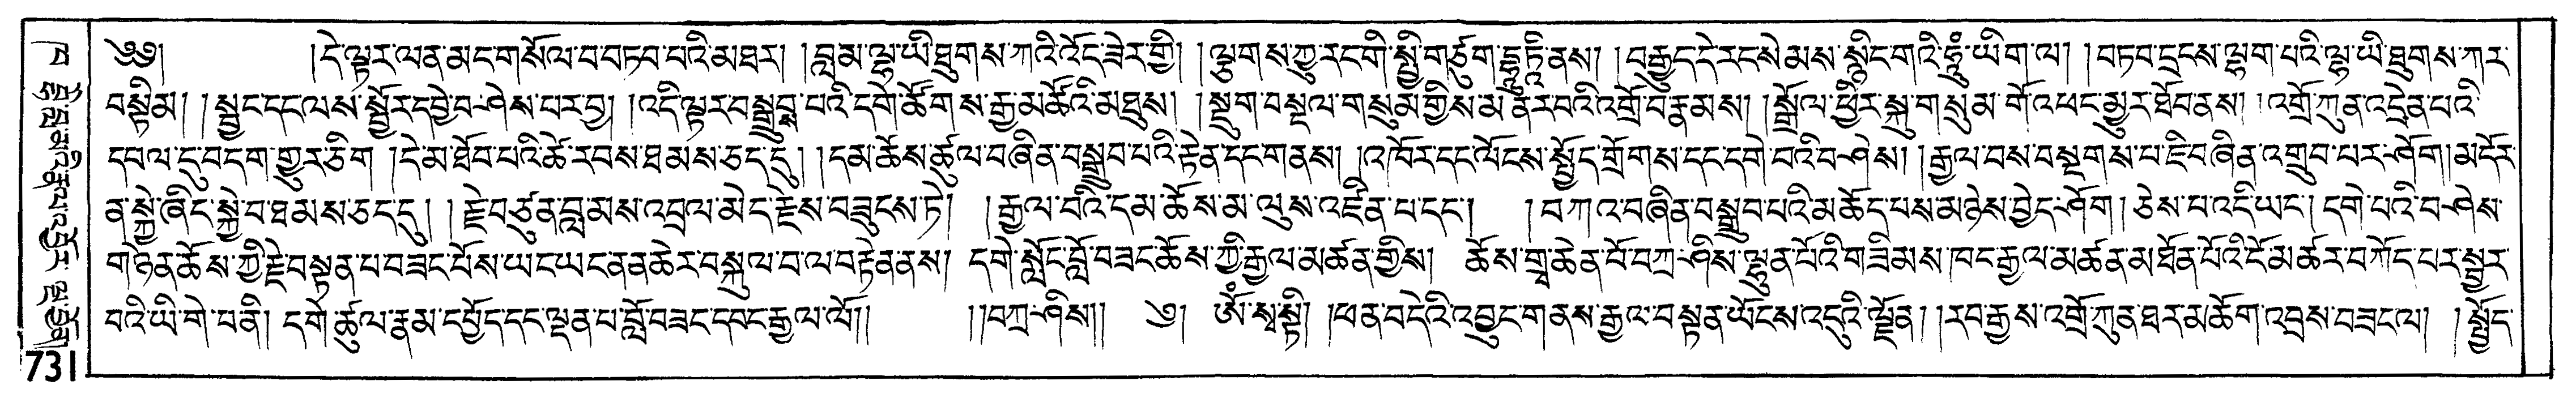༄༅། །དེ་ལྟར་ལན་མང་གསོལ་བ་བཏབ་པའི་མཐར། །བླ་མ་ལྷ་ཡི་ཐུགས་ཀའི་འོད་ཟེར་གྱི། །ལྕགས་ཀྱུ་རང་གི་སྤྱི་གཙུག་དྷཱུ་ཏཱི་ནས། །བརྒྱུད་དེ་རང་སེམས་སྙིང་གའི་ཧཱུཾ་ཡིག་ལ། །བཏབ་དྲངས་ལྷག་པའི་ལྷ་ཡི་ཐུགས་ཀར་
བསྟིམ། །སྦྱང་དང་ལས་སྦྱོར་དབྱེ་བ་ཤེས་པར་བྱ། །འདི་ལྟར་བསྒྲུབས་པའི་དགེ་ཚོགས་རྒྱ་མཚོའི་མཐུས། །སྡུག་བསྔལ་གསུམ་གྱིས་མ་ནར་བའི་འགྲོ་བ་རྣམས། །སྒྲོལ་ཕྱིར་སྐུ་གསུམ་གོ་འཕང་མྱུར་ཐོབ་ནས། །འགྲོ་ཀུན་འདྲེན་པའི་
དཔལ་དུ་བདག་གྱུར་ཅིག །དེ་མ་ཐོབ་པའི་ཚེ་རབས་ཐམས་ཅད་དུ། །དམ་ཆོས་ཚུལ་བཞིན་བསྒྲུབ་པའི་རྟེན་དང་གནས། །འཁོར་དང་ལོངས་སྤྱོད་གྲོགས་དང་དགེ་བའི་བཤེས། །རྒྱལ་བས་བསྔགས་པ་ཇི་བཞིན་འགྲུབ་པར་ཤོག །མདོར་
ན་སྐྱེ་ཞིང་སྐྱེ་བ་ཐམས་ཅད་དུ། །རྗེ་བཙུན་བླ་མས་འབྲལ་མེད་རྗེས་བཟུངས་ཏེ། །རྒྱལ་བའི་དམ་ཆོས་མ་ལུས་འཛིན་པ་དང་། །བཀའ་བཞིན་བསྒྲུབ་པའི་མཆོད་པས་མཉེས་བྱེད་ཤོག །ཅེས་པ་འདི་ཡང་། དགེ་པའི་བཤེས་
གཉེན་ཆོས་ཀྱི་རྗེ་བསྟན་པ་བཟང་པོས་ཡང་ཡང་ནན་ཆེར་བསྐུལ་བ་ལ་བརྟེན་ནས། དགེ་སློང་བློ་བཟང་ཆོས་ཀྱི་རྒྱལ་མཚན་གྱིས། ཆོས་གྲྭ་ཆེན་པོ་བཀྲ་ཤིས་ལྷུན་པོའི་གཟིམས་ཁང་རྒྱལ་མཚན་མཐོན་པོའི་ངོ་མཚར་བཀོད་པར་སྦྱར་
བའི་ཡི་གེ་པ་ནི། དགེ་ཚུལ་རྣམ་དཔྱོད་དང་ལྡན་པ་བློ་བཟང་དབང་རྒྱལ་ལོ།། །།བཀྲ་ཤིས།། ༄༅། ཨོཾ་སྭ་སྟི། །ཕན་བདེའི་འབྱུང་གནས་རྒྱལ་བསྟན་ཡོངས་འདུའི་ལྗོན། །རབ་རྒྱས་འགྲོ་ཀུན་ཐར་མཆོག་འབྲས་བཟང་ལ། །སྤྱོད་